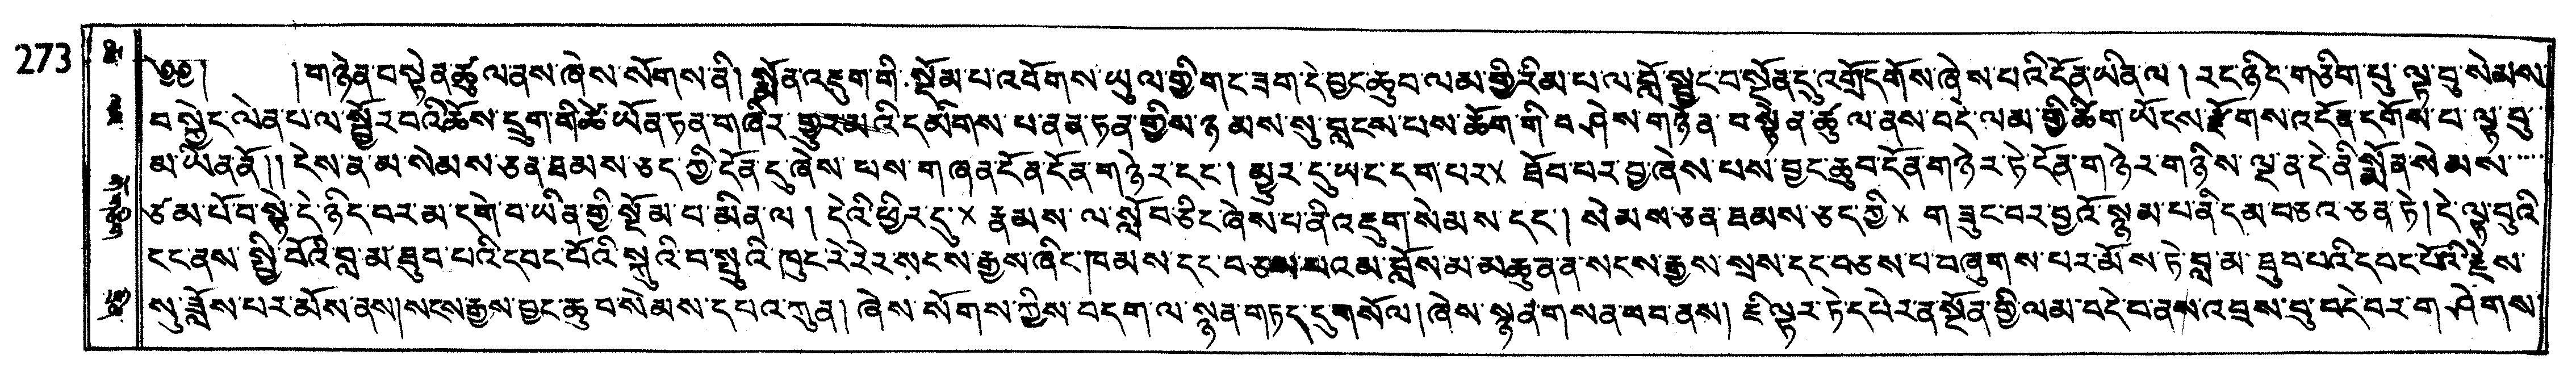༄༅། །གཉེན་བསྟེན་ཚུལ་ནས་ཞེས་སོགས་ནི། སྨོན་འཇུག་གི་སྡོམ་པ་འབོགས་ཡུལ་གྱི་གང་ཟག་དེ་བྱང་ཆུབ་ལམ་གྱི་རིམ་པ་ལ་བློ་སྦྱང་བ་སྔོན་དུ་འགྲོ་དགོས་ཞེས་པའི་དོན་ཡིན་ལ། རང་ཉིད་གཅིག་པུ་ལྟ་བུ་སེམས་
བསྐྱེད་ལེན་པ་ལ་སྦྱོར་བའི་ཆོས་དྲུག་གི་ཚེ་ཡོན་ཏན་གཞིར་གྱུར་མའི་དམིགས་པ་ནན་ཏན་གྱིས་ཉམས་སུ་བླངས་པས་ཆོག་གི་བཤེས་གཉེན་བསྟེན་ཚུལ་ནས་བདེ་ལམ་གྱི་ཚིག་ཡོངས་རྫོགས་འདོན་དགོས་པ་ལྟ་བུ་
མ་ཡིན་ནོ། །དེས་ན་མ་སེམས་ཅན་ཐམས་ཅད་ཀྱི་དོན་དུ་ཞེས་པས་གཞན་དོན་དོན་གཉེར་དང་། མྱུར་དུ་ཡང་དག་པར་+་ཐོབ་པར་བྱ་ཞེས་པས་བྱང་ཆུབ་དོན་གཉེར་ཏེ་དོན་གཉེར་གཉིས་ལྔ་ན་དེ་ནི་སྨོན་སེམས་
ཙམ་པོ་བ་སྟེ་དེ་ཉིད་བར་མ་དགེ་བ་ཡིན་གྱི་སྡོམ་པ་མིན་ལ། དེའི་ཕྱིར་དུ་+་རྣམས་ལ་སློབ་ཅིང་ཞེས་པ་ནི་འཇུག་སེམས་དང་། སེམས་ཅན་ཐམས་ཅད་ཀྱི་+་གཟུང་བར་བྱའོ་སྙམ་པཀ་ནི་དམ་བཅའ་ཅན་ཏེ། དེ་ལྟ་བུའི་
ངང་ནས་སྤྱི་བོའི་བླ་མ་ཐུབ་པའི་དབང་པོའི་སྐུའི་བ་སྤུའི་ཁུང་རེ་རེར་སངས་རྒྱས་ཞིང་ཁམས་དང་བཅས་པའམ་བློས་མ་མཆུན་ན་སངས་རྒྱས་སྲས་དང་བཅས་པ་བཞུགས་པར་མོས་ཏེ་བླ་མ་ཐུབ་པའི་དབང་པོའི་རྗེས་
སུ་ཟློས་པར་མོས་ནས། སངས་རྒྱས་བྱང་ཆུབ་སེམས་དཔའ་ཀུན། ཞེས་སོགས་ཀྱིས་བདག་ལ་སྙན་གཏད་དུ་གསོལ། ཞེས་སྙན་གསན་ཕབ་ནས། ཇི་ལྟར་ཏེ་དཔེར་ན་སྔོན་གྱི་ལམ་བདེ་བ་ནས་འབྲས་བུ་བདེ་བར་གཤེགས་